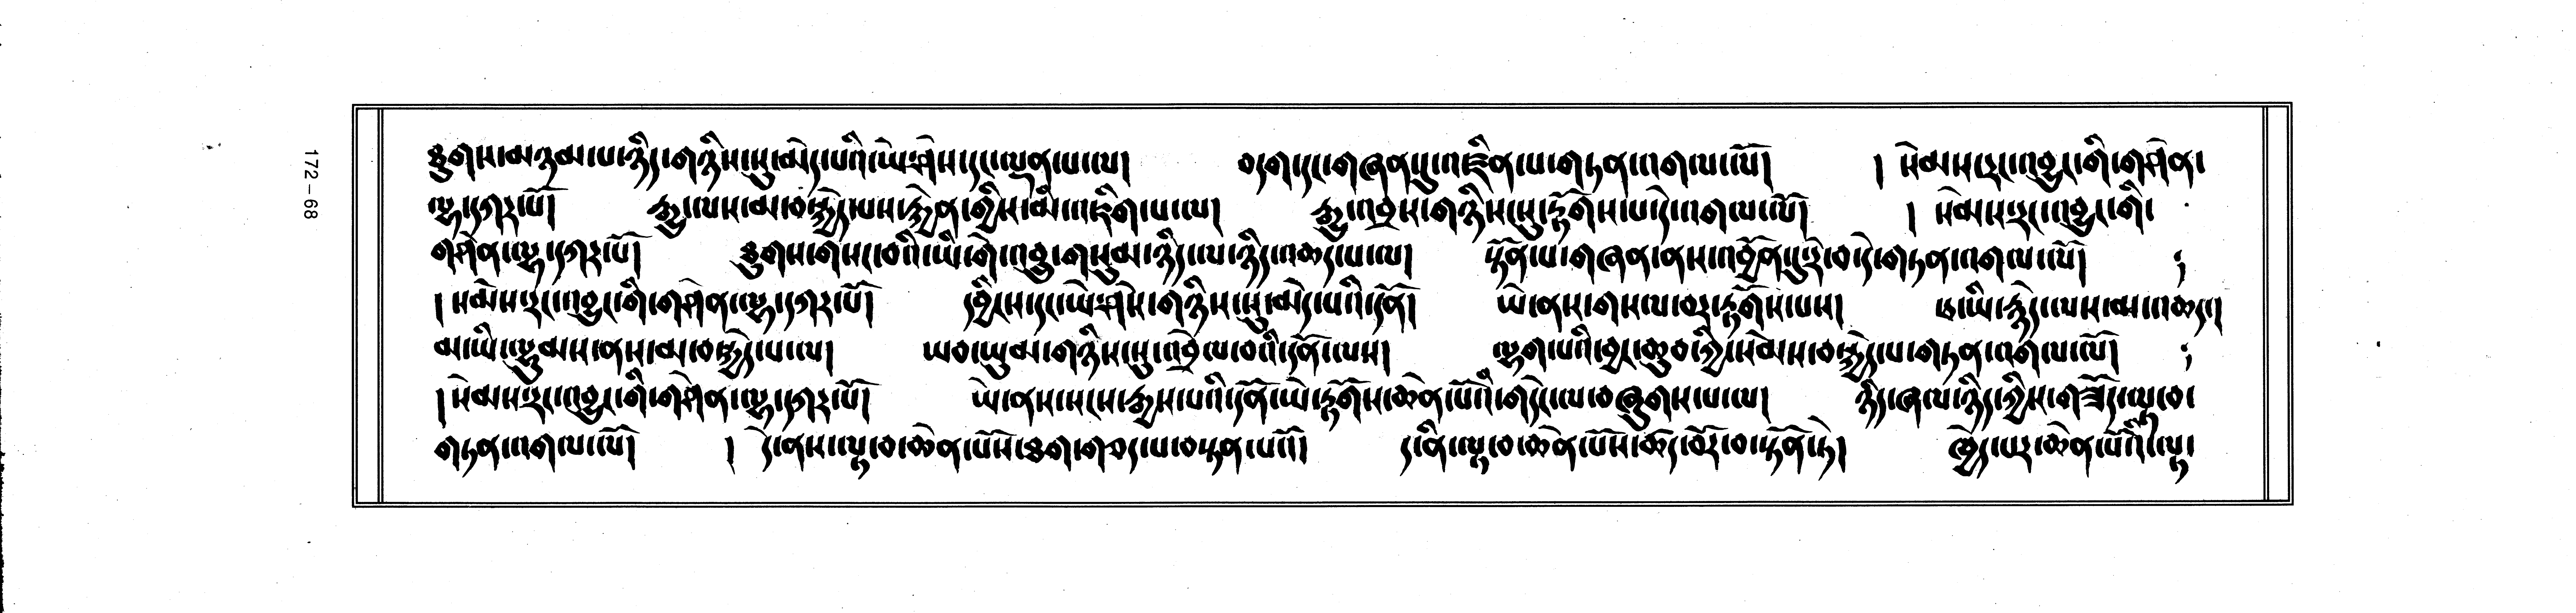ཐུགས་མཉམ་པ་ཉིད་གཉིས་སུ་མེད་པའི་ཡེ་ཤེས་དང་ལྡན་པ་ལ། བདག་དང་གཞན་དུ་འཛིན་པ་གཏན་འགལ་ལོ། སེམས་རང་འབྱུང་གི་གཤེན་
ལྷ་དཀར་པོ། རྒྱུ་ལས་མ་བསྐྱེད་པས་རྐྱེན་གྱིས་མི་འཇིག་པ་ལ། རྒྱུ་འབྲས་གཉིས་སུ་རྟོགས་པ་དེ་འགལ་ལོ། སེམས་རང་འབྱུང་གི་
གཤེན་ལྷ་དཀར་པོ། ཐུགས་གསང་བའི་ཡི་གེ་འབྲུ་གསུམ་ཉིད་ལ་ཉིད་འཆད་པ་ལ། སྟོན་པ་གཞན་ནས་འབྱོན་དུ་རེ་བ་དེ་གཏན་འགལ་ལོ། 
།སེམས་རང་འབྱུང་གི་གཤེན་ལྷ་དཀར་པོ། དབྱིངས་དང་ཡེ་ཤེས་གཉིས་སུ་མེད་པའི་དོན། ཡེ་ནས་གསལ་བར་རྟོགས་པས། ཕ་ཡི་རྙེད་ལས་མ་འཆད་
མ་ཡི་ལྷུམས་ནས་མ་བསྐྱེད་པ་ལ། ཡབ་ཡུམ་གཉིས་སུ་འབྲེལ་བའི་དོན་ལས། ལྷག་པའི་བྱང་ཆུབ་ཀྱི་སེམས་བསྐྱེད་པ་གཏན་འགལ་ལོ།
།སེམས་རང་འབྱུང་གི་གཤེན་ལྷ་དཀར་པོ། ཡེ་ནས་སངས་རྒྱས་པའི་དོན་ཡེ་རྟོགས་ཆེན་པོའི་གདེང་ལ་བཞུགས་པ་ལ། ཉིད་ཞལ་ཉིད་ཀྱིས་གཟོད་ལྟ་བ་
གཏན་འགལ་ལོ། དེ་ནས་ལྟ་བ་ཆེན་པོས་ཐག་གཅད་པ་བསྟན་པའོ། ད་ནི་ལྟ་བ་ཆེན་པོས་ཚད་བོར་བ་སྟོན་ཏེ། ཁྱེད་པར་ཆེན་པོའི་ལྟ་